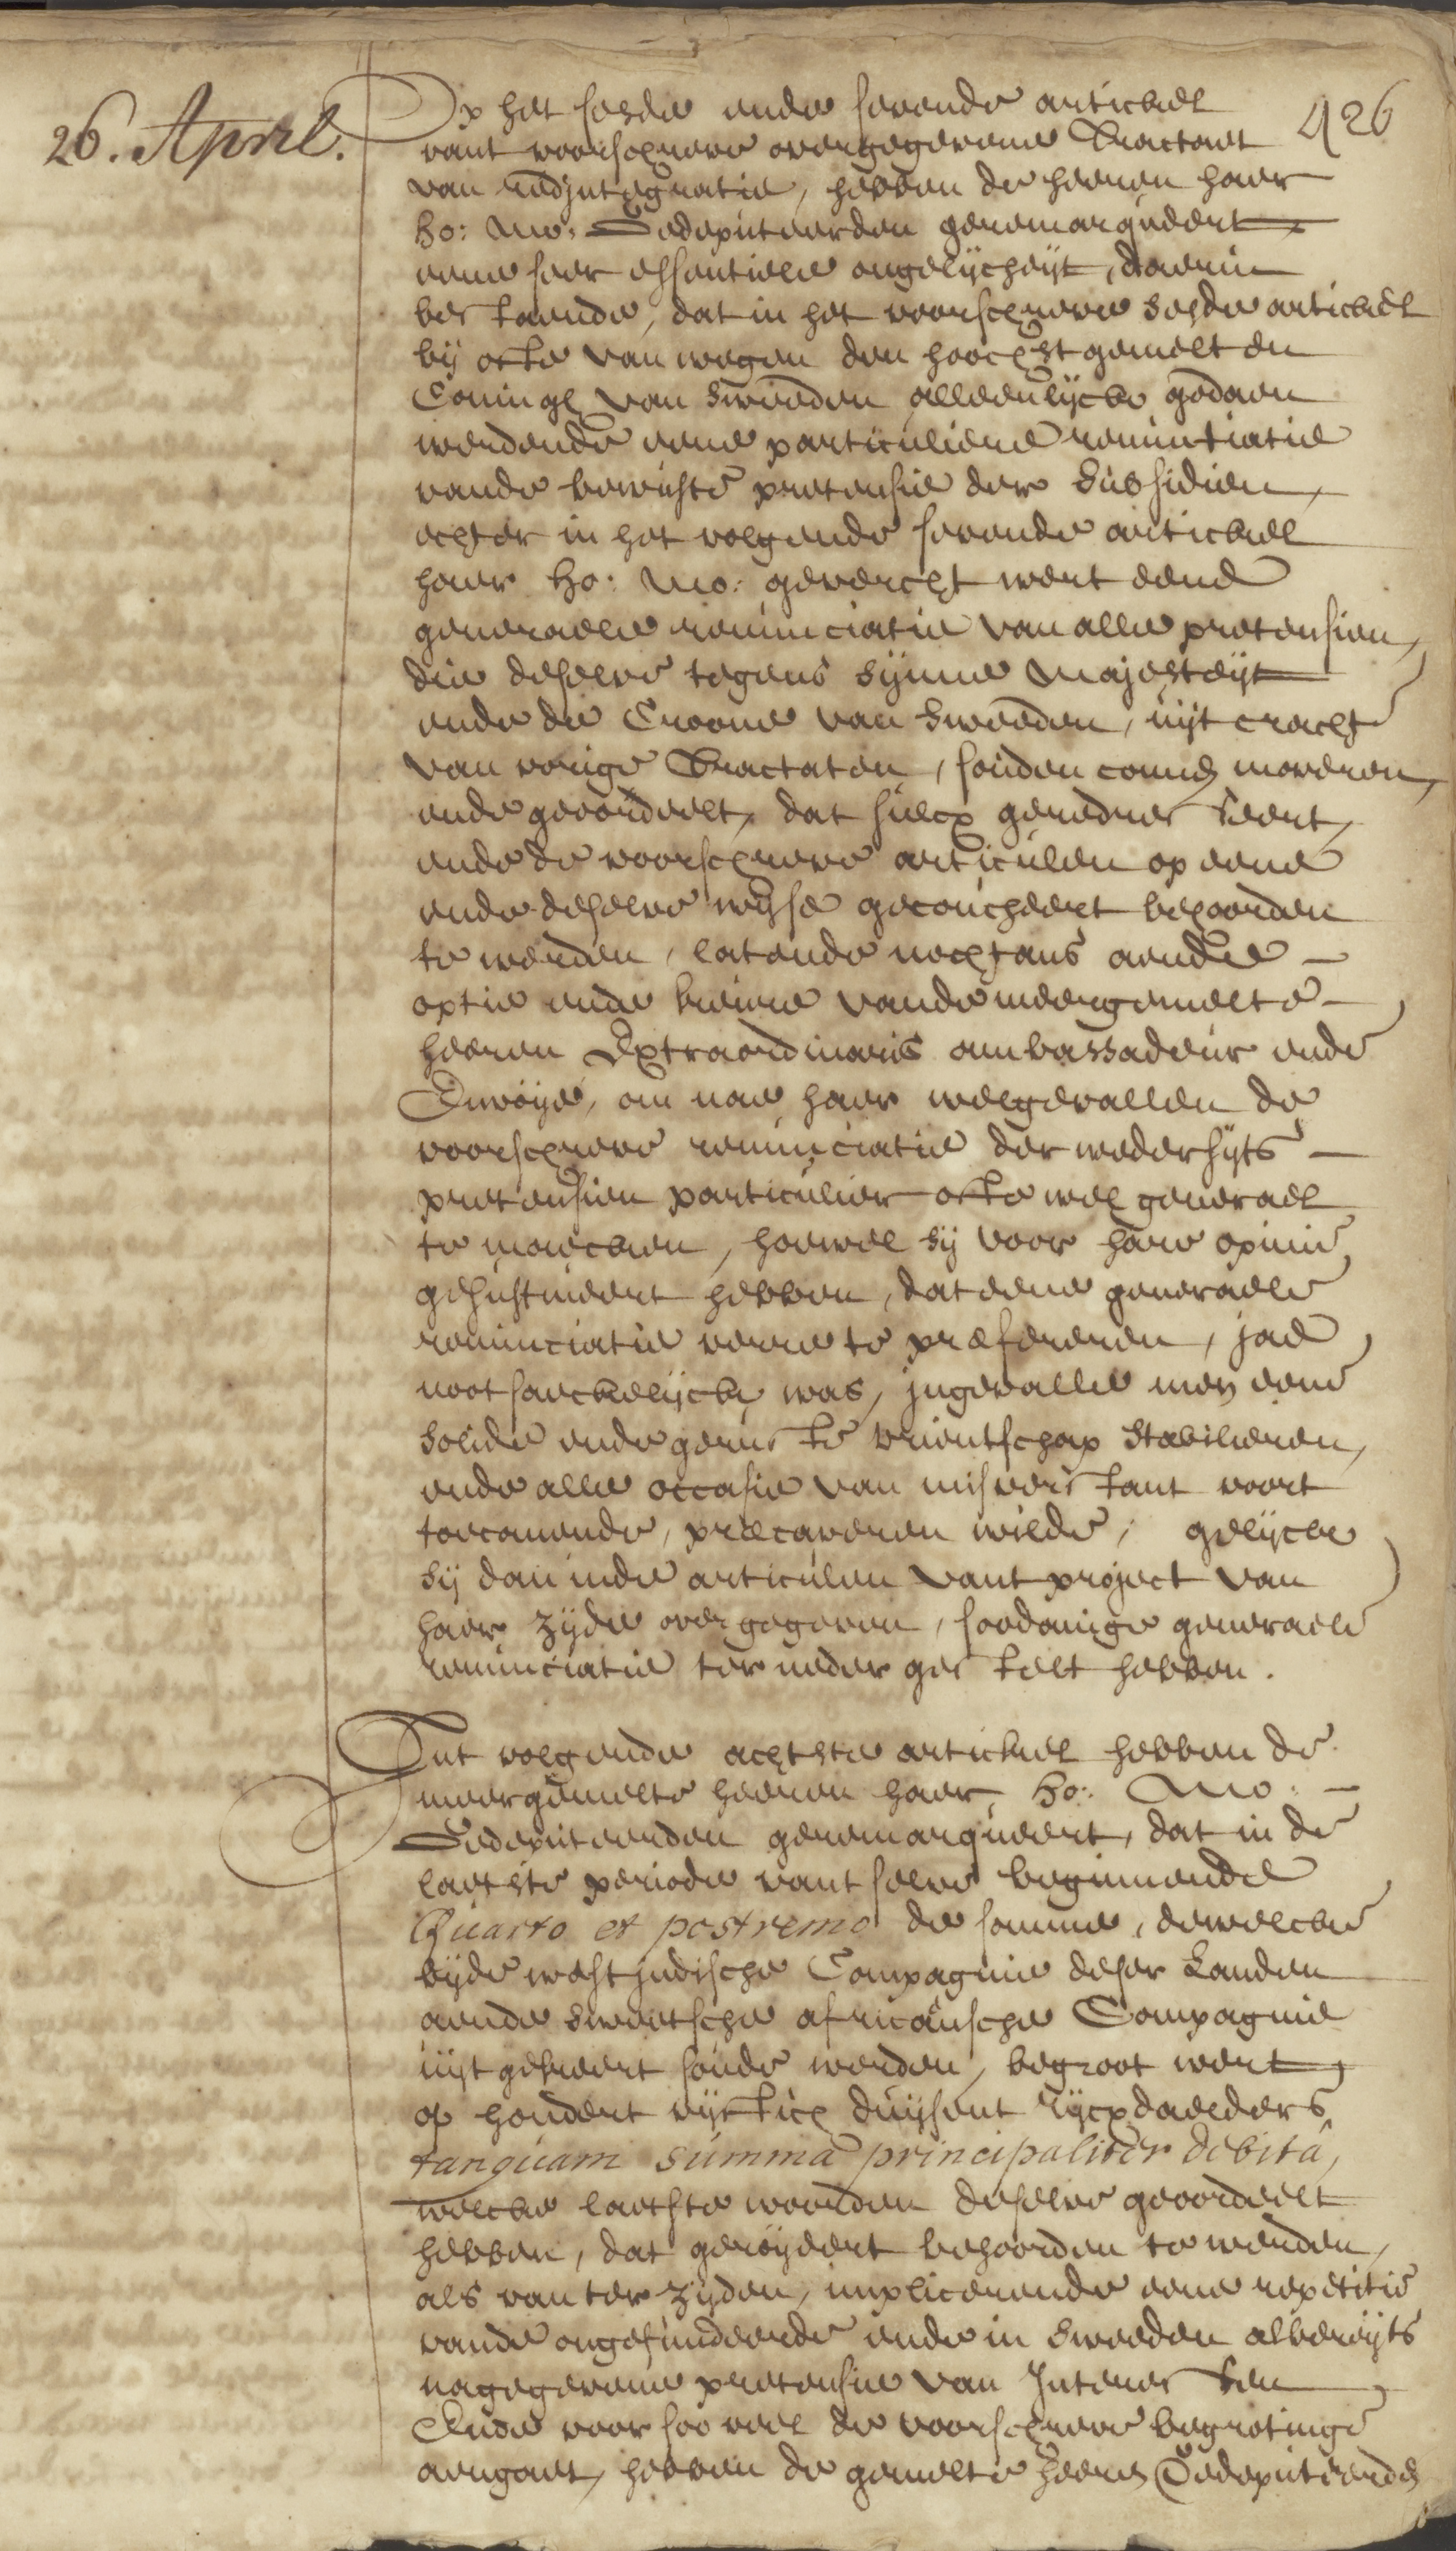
426
26. April.
Op het sesde ende sevende artickel
vant voorschreve overgegevene Tractaet
van redintegratie, hebben de heeren haer
Ho:Mo: Gedeputeerden geremarqueert
eene seer essentiele ongelijcheijt, daerin
bestaende, dat in het voorschreve selde artickel
bij ofte van wegen den hoochst gemelten
Coningh van Sweeden alleenlijck gedaen
werdende eene particuliere renuntiatie
vande bewuste pretensie der Subsidien
echter in het volgende sevende artickel
haer Ho:Mo: gevercht wert eene
generaele renunciatie van alle pretensien
die deselve tegens Sijne Majesteijt
ende de Croone van Sweeden, uijt cracht
van vorige Tractaten, souden connen moveren,
ende geoordeelt, dat sulcx geredresseert.
ende de voorschreve articulen op eene
ende deselve wijse gecoucheert behoorden
te werden, latende nochtans aende
optie ende keure vande meergemelte
heeren Extraordinaris ambassadeur ende
Envoijé, om nae haer welgevallen de
voorschreve renunciatie der wedersijts
pretensien particulier ofte wel generael
te maecken, hoewel sij voor hare opinie
gesustineert hebben, dat eene generaele
renunciatie verre te prefereren, jae
nootsaeckelijck was, ingevalle met eene
solide ende geruste vrientschap stabilieren,
ende alle occasie van misverstant voort
toecomende, præcaveren wilde; gelijck
Sij dan inde articulen vant project van
haer zijde overgegeven, soodanige generaele
renunciatie ter neder gestelt hebben.
Int volgende achtste artickel hebben de
meergemelte heeren haer Ho:Mo:
Gedeputeerden geremarqueert, dat in de
laetste periode vant selve beginnende
Quarto et postremo de somme, dewelcke
bijde westindische Compagnie deser Landen
aende Sweetsche africænsche Compagnie
uijt gekeert soude werden begroot wert,
op hondert vijftich duijsent rijcxdaelders
tanquam summa principaliter debitâ
welcke laetste woorden deselve geoordeelt
hebben, dat geroijeert behoorden te werden
als van ter zijden, implicerende eene repetitie
vande ongefundeerde, ende in Sweeden albereijts
nagegevene pretensie van Interesten
Ende voor soo veel de voorschreve begrotinge
aengaet, hebben de gemelte heeren Gedeputeerden
